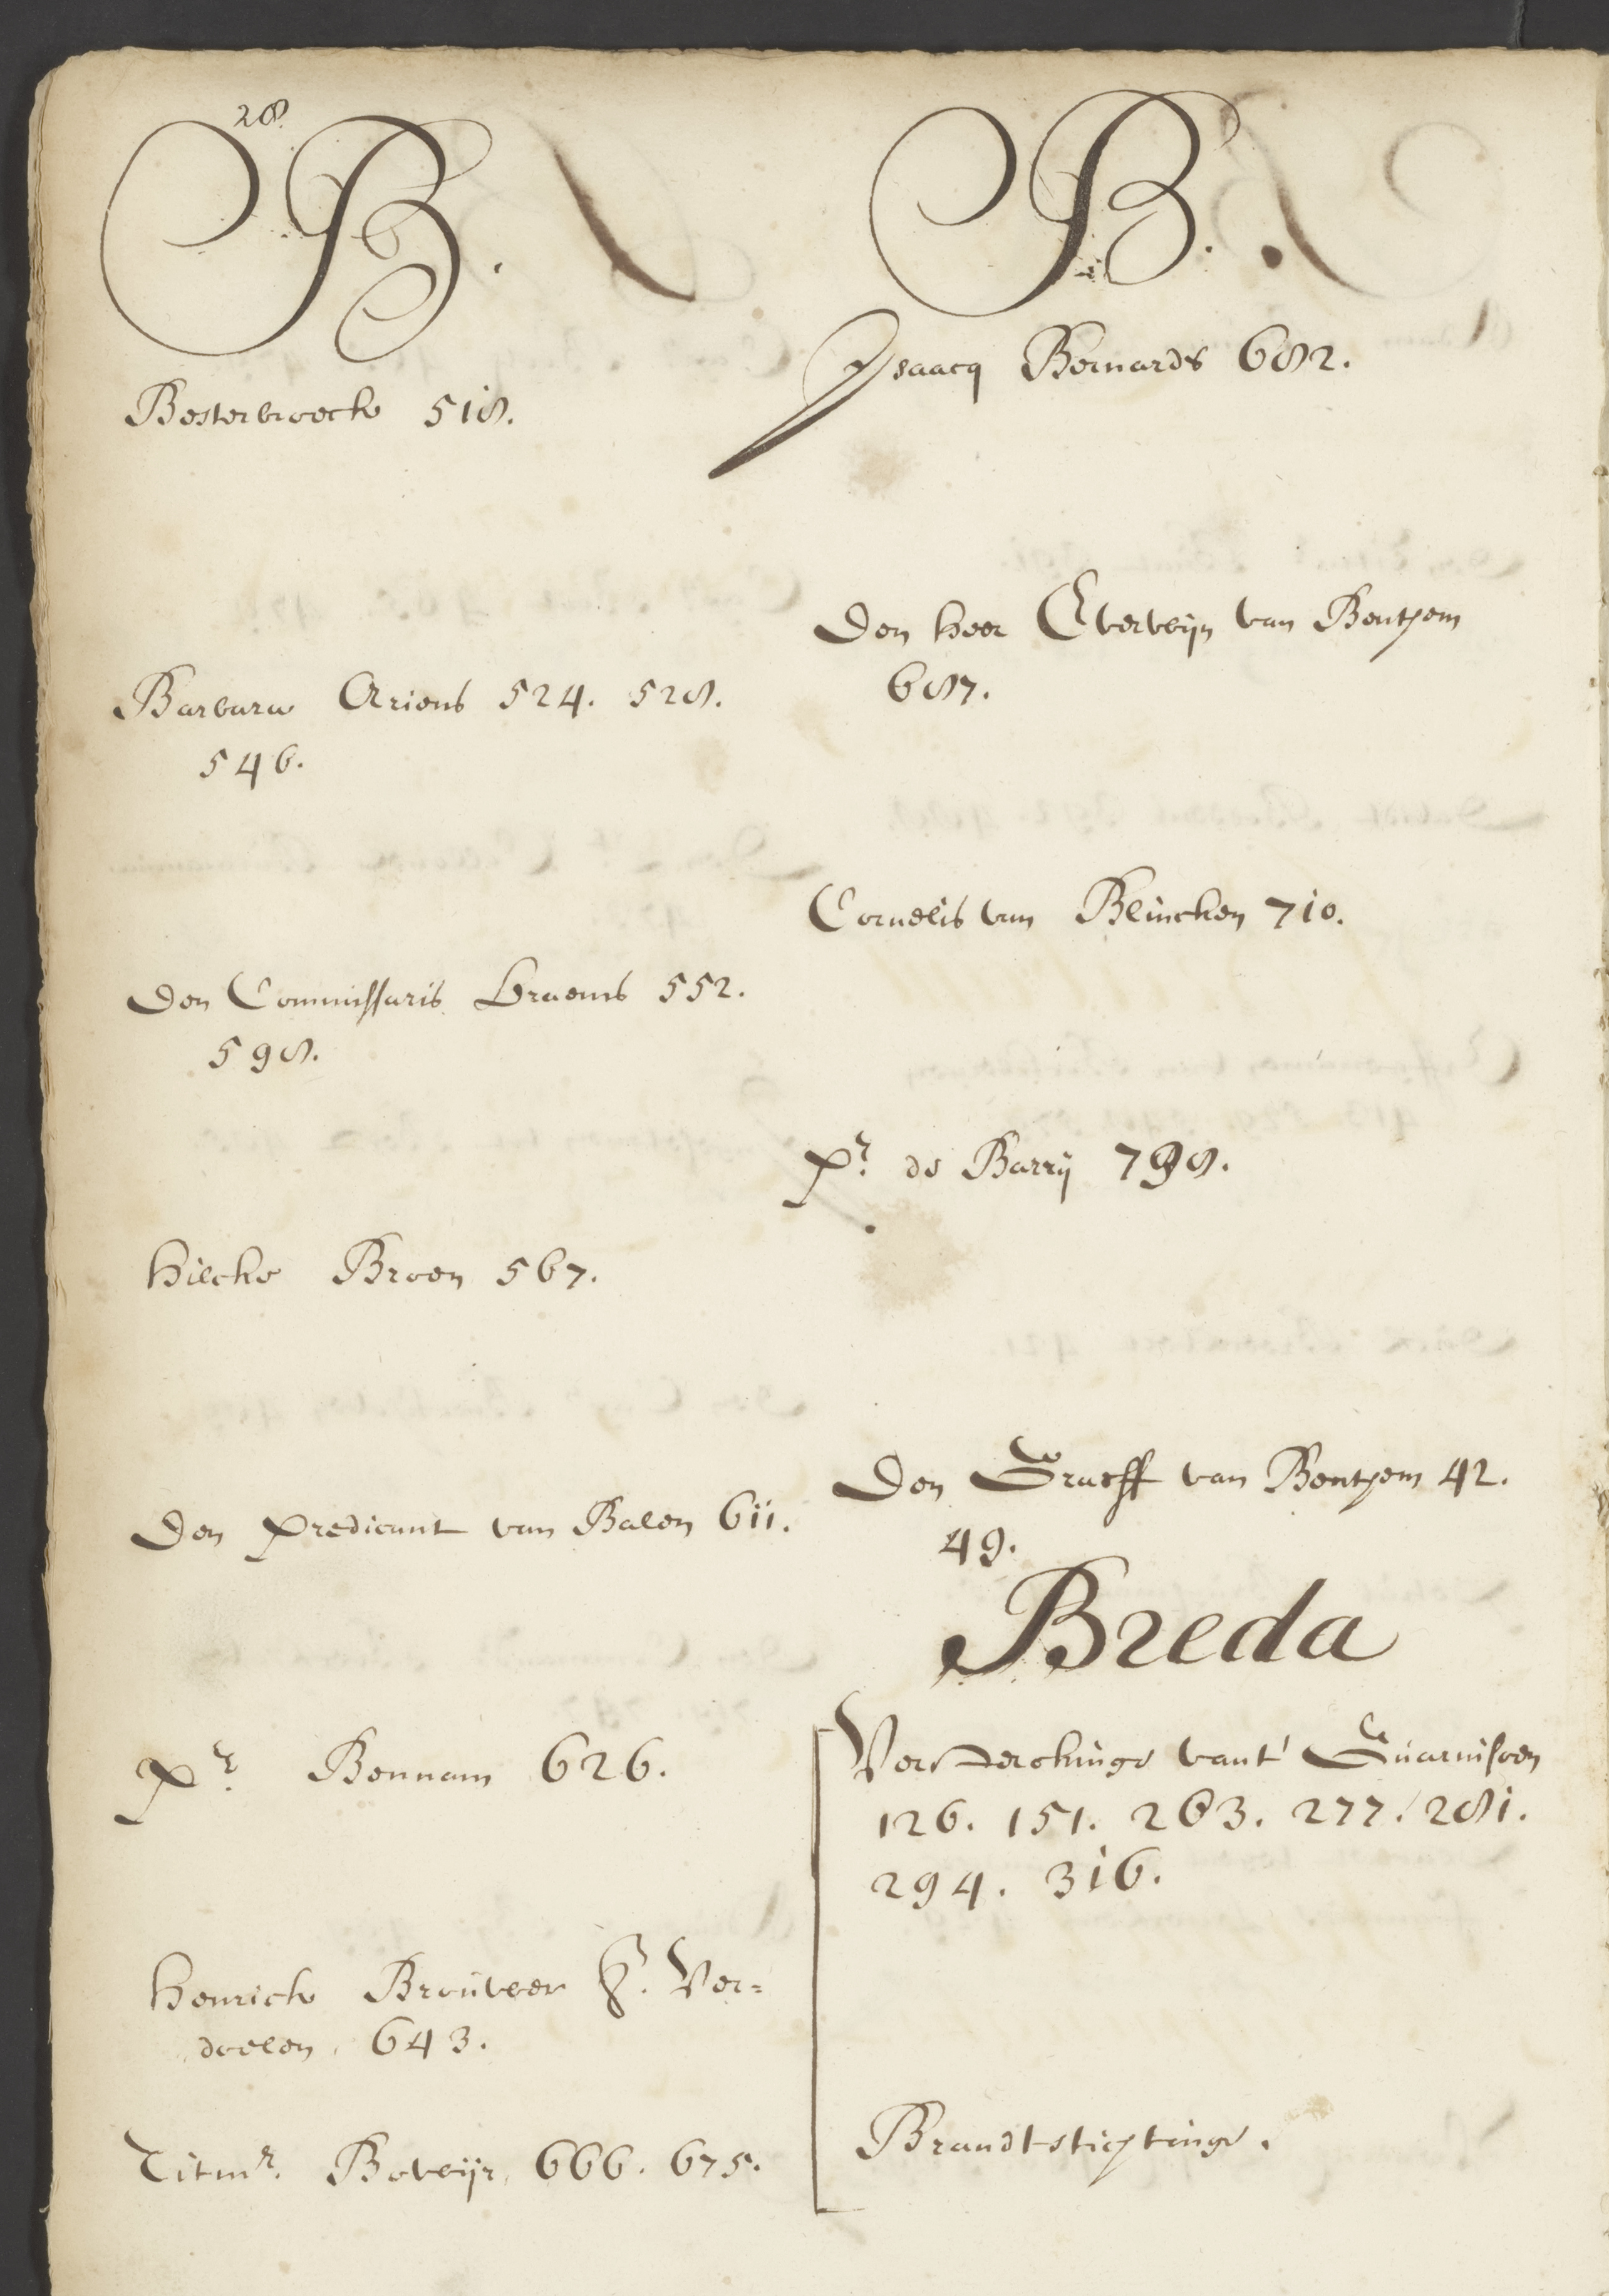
28.
B
Besterbroeck, 518.
Barbara Ariens 524, 528.
546.
Den Commissaris Braems 552.
598
Hilcke Broen 567.
Den Predicant van Balen 611.
Pr. Bonnam 626.
Henrick Brouwer ca. Ver,,
doelen, 643.
ritmr. Bowijr, 666, 675.
B
Isaacq Bernards 682.
Den heer Everwyn van Benthem
687.
Cornelis van Blincken 710.
Pr. de Barrij 798.
Den Graeff van Benthem 42.
49.
Breda
Versterckinge van t‛ Guarnisoen
126, 151, 203, 277, 281,
294, 316.
Brandtstichtinge.
